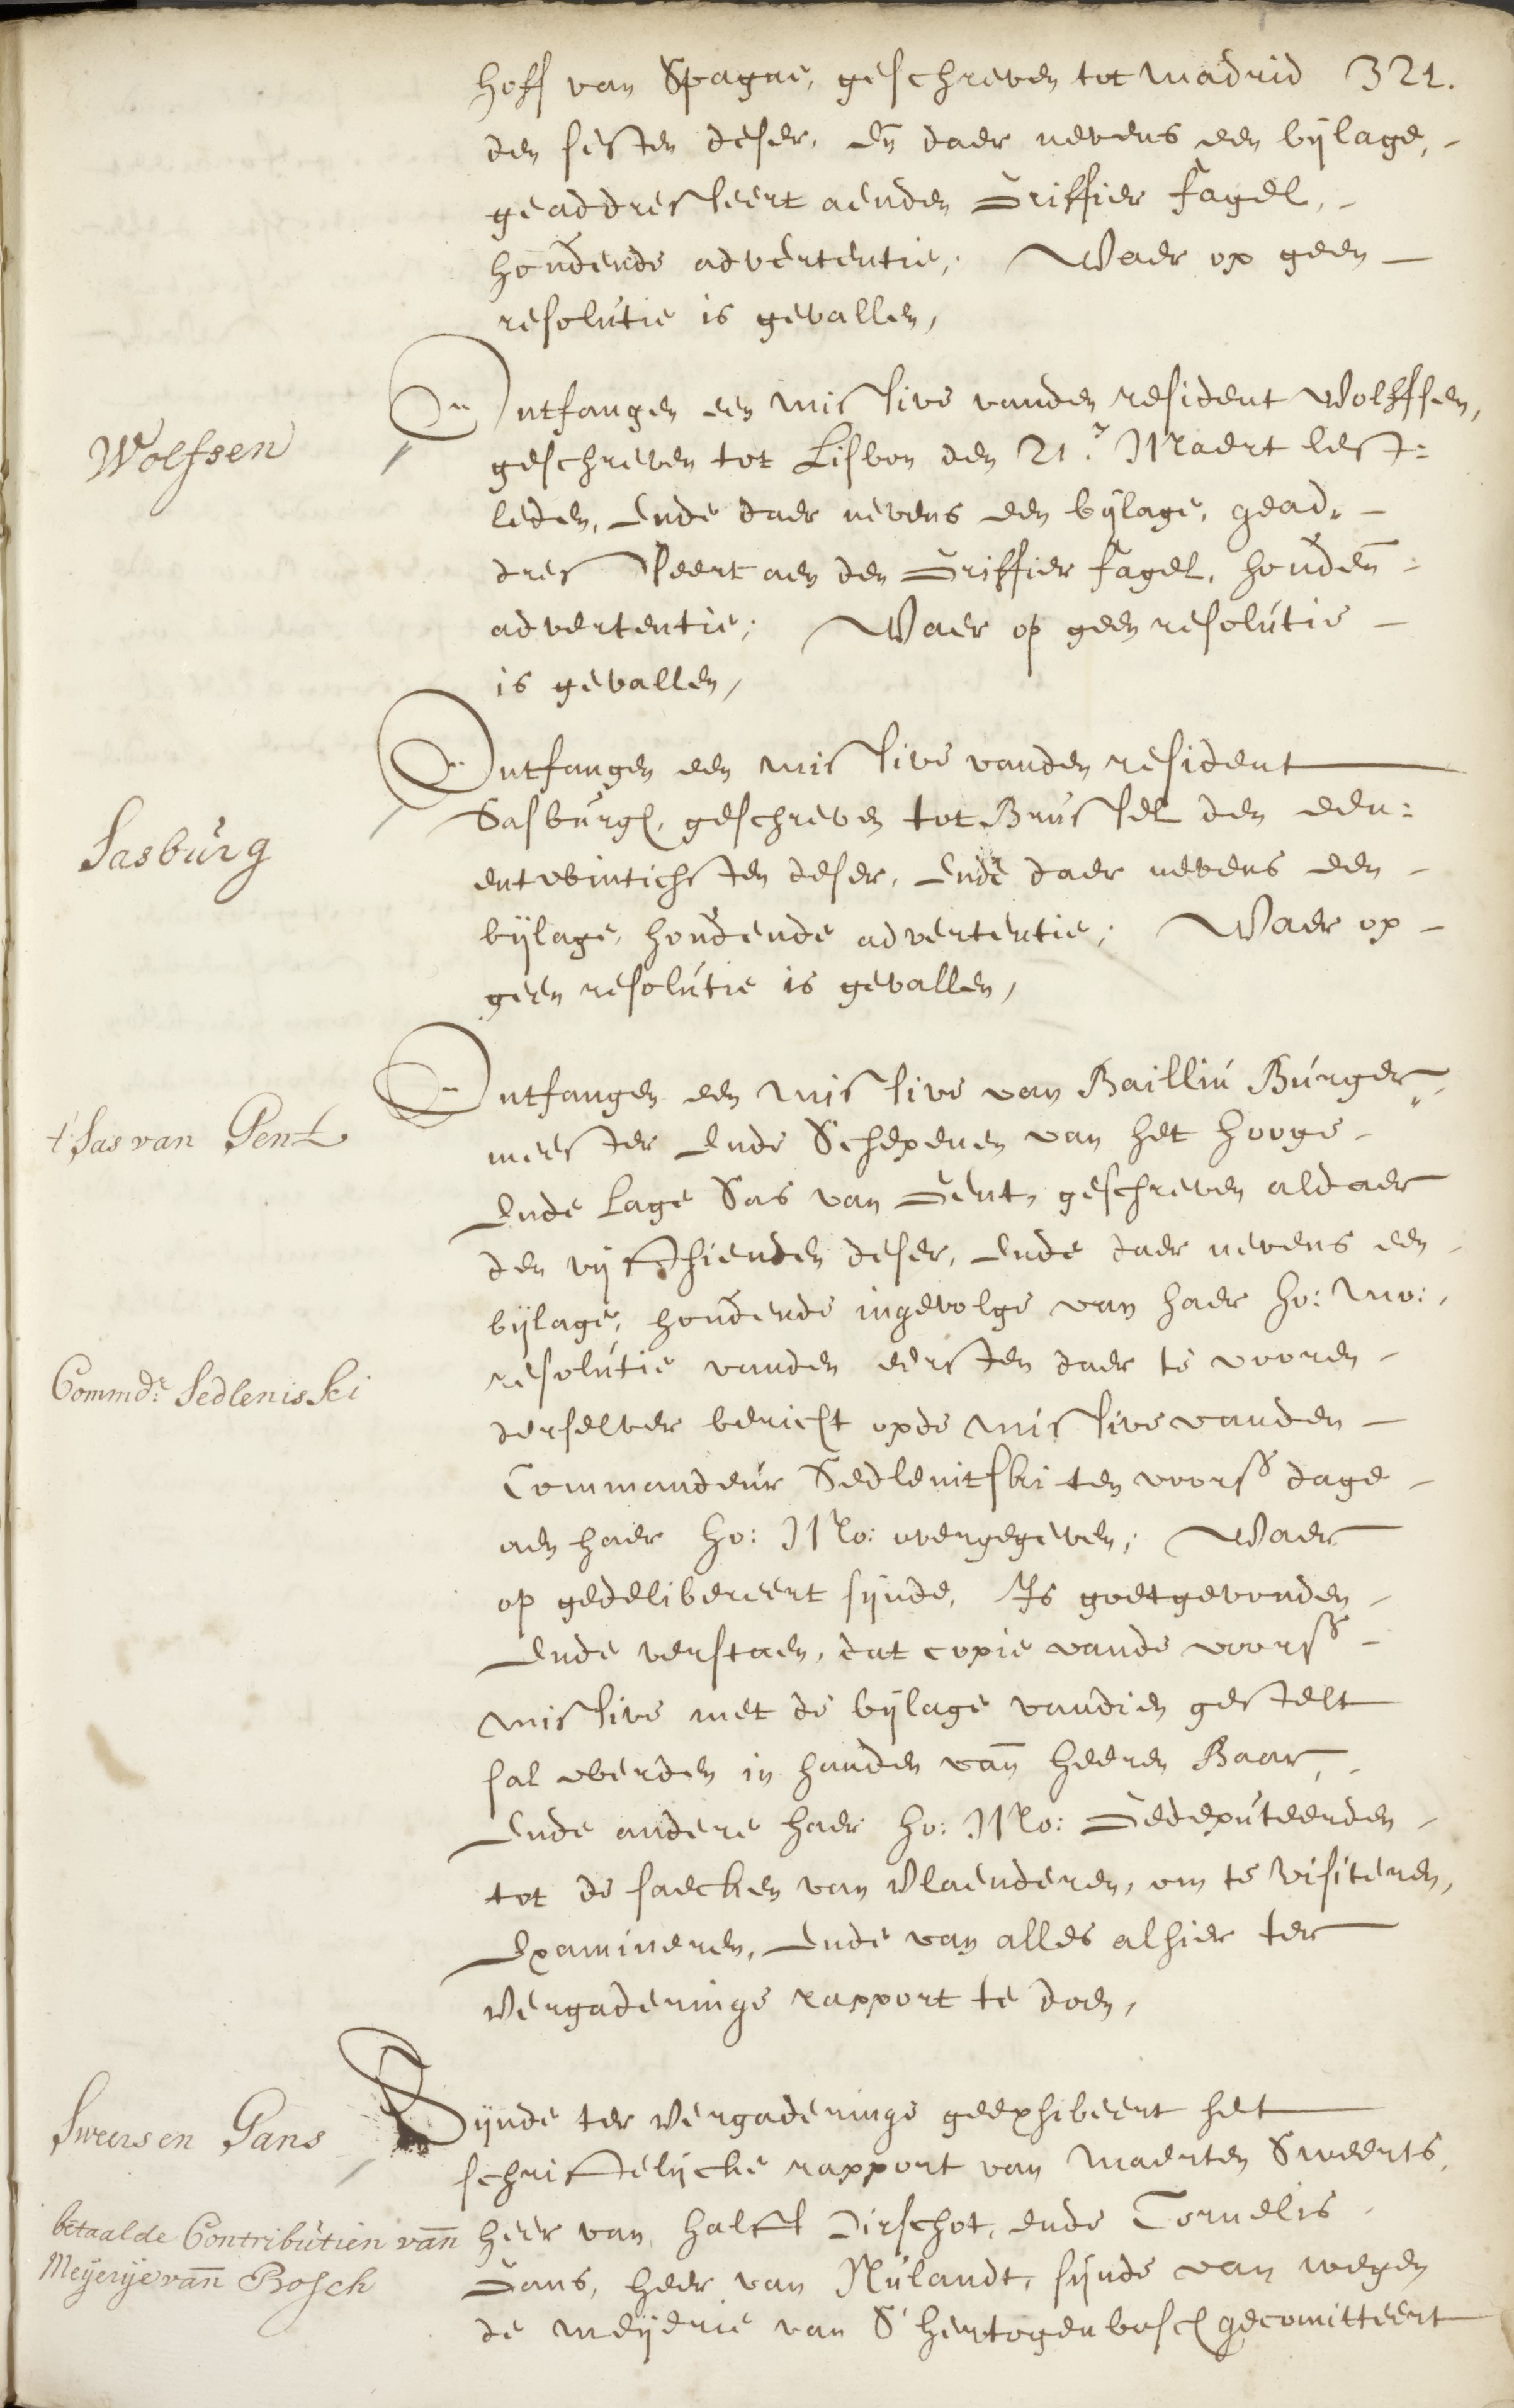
321.
hoff van Spagne, geschreven tot Madrid
den sesten deser, en daer nevens een bijlage,
geaddresseert aenden Griffier Fagel,
houdende advertentie; Waer op geen
resolutie is gevallen.
Wolfsen
Ontfangen een missive vanden resident Wolffsen,
geschreven tot Lisbon den 21e. Maert lest=
leden, ende daer nevens een bijlage, gead„
dresseert aen den Griffier Fagel, houden
advertentie; Waer op geen resolutie
is gevallen.
Sasburg
Ontfangen een missive vanden resident
Sasburgh, geschreven tot Brussel den een=
entwintichsten deser, Ende daer nevens een -
bijlage, houdende advertentie; Waer op
geen resolutie is gevallen.
t' Sas van Gent
Commdr: Sedleniski
Ontfangen een missive van Bailliu Burger„
meester ende Schepenen van het Hooge -
ende Lage Sas van Gent, geschreven aldaer
den vijfthienden deser, ende daer nevens een
bijlage, houdende ingevolge van haer ho:Mo:
resolutie vanden eersten daer te vooren
derselver bericht opde missive vanden—
Commandeur Sedlenitski ten voors dage
aen haer Ho:Mo: overgegeven; Waer
op gedelibereert sijnde, Is goetgevonden
ende verstaen, dat copie vande voors
missive met de bijlage vandien gestelt
sal werden in handen van heeren Baar,
ende andere haer ho:Mo: Gedeputeerden
tot de saecken van Vlaenderen, om te visiteren,
examineren, Ende van alles alhier ter
Vergaderinge rapport te doen.
Sweers en Gans
betaalde Contributien van
Meijerije van Bosch
Sijnde ter Vergaderinge geexhibeert het
schriftelijcke rapport van maerten Sweerts,
heer van halff Oirschot, ende Cornelis
Gans, heer van Nulandt, sijnde van wegen
de meijerie van S'hertogenbosch gecomitteert
